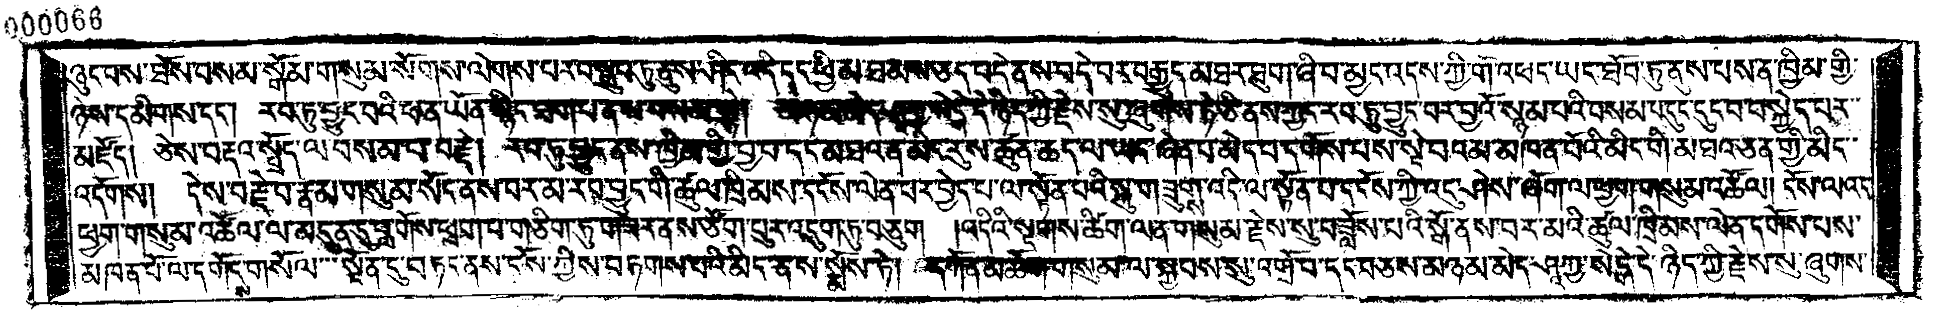ཉུང་བས་ཐོས་བསམ་སྒོམ་གསུམ་སོགས་ལེགས་པར་བསྒྲུབ་ཏུ་ནུས་ཤིང་འདི་དང་ཕྱི་མ་ཐམས་ཅད་བདེ་ནས་བདེ་བར་བརྒྱུད་མཐར་ཐུག་ཞི་བ་མྱང་འདས་ཀྱི་གོ་འཕང་ཡང་ཐོབ་ཏུ་ནུས་པས་ན་ཁྱིམ་གྱི་
ཉེས་དམིགས་དང་། རབ་ཏུ་བྱུང་བའི་ཕན་ཡོན་སྙིང་ཐག་པ་ནས་བསམ་སྟེ། མཉམ་མེད་ཤཱཀྱ་སེངྒེ་དེ་ཉིད་ཀྱི་རྗེས་སུ་ཞུགས་ཏེ་ཅི་ནས་ཀྱང་རབ་ཏུ་བྱུང་བར་བྱའོ་སྙམ་པའི་བསམ་པ་དུང་དུང་བ་བསྐྱེད་པར་
མཛོད། ཅེས་བརྡའ་སྤྲོད་ལ་བསམ་པ་བརྗེ། རབ་ཏུ་བྱུང་ནས་ཁྱིམ་གྱི་བྱ་བ་དང་མཐའ་ན་མིང་རུས་ཚུན་ཆད་ལ་ཡང་ཞེན་པ་མེད་པ་དགོས་པས་སྡེ་བའམ་མཁན་པོའི་མིང་གི་མཐའ་ཅན་གྱི་མིང་
འདོགས། དེས་བརྗེ་བ་རྣམ་གསུམ་སོང་ནས་བར་མ་རབ་བྱུང་གི་ཚུལ་ཁྲིམས་དངོས་ལེན་པར་བྱེད་པ་ལ་སྟོན་པའི་སྐུ་གཟུགས་འདི་ལ་སྟོན་པ་དངོས་ཀྱི་འདུ་ཤེས་ཞོག་ལ་ཕྱག་གསུམ་འཚོལ། ངོས་ལའང་
ཕྱག་གསུམ་འཚོལ་ལ་མདུན་དུ་བླ་གོས་ཕྲག་པ་གཅིག་ཏུ་གཟར་ནས་ཙོག་པུར་འདུག་ཏུ་བཅུག །འདིའི་སྔགས་ཚིག་ལན་གསུམ་རྗེས་སུ་བཟློས་པའི་སྒོ་ནས་བར་མའི་ཚུལ་ཁྲིམས་ལེན་དགོས་པས་
མཁན་པོ་ལ་དགོངས་གསོལ་སྔོན་དུ་བཏང་ནས་ངོས་ཀྱིས་བཏགས་པའི་མིང་ནས་སྨོས་ཏེ། དཀོན་མཆོག་གསུམ་ལ་སྐྱབས་སུ་འགྲོ་བ་དང་བཅས་མཉམ་མེད་ཤཱཀྱ་སེངྒེ་དེ་ཉིད་ཀྱི་རྗེས་སུ་ཞུགས་